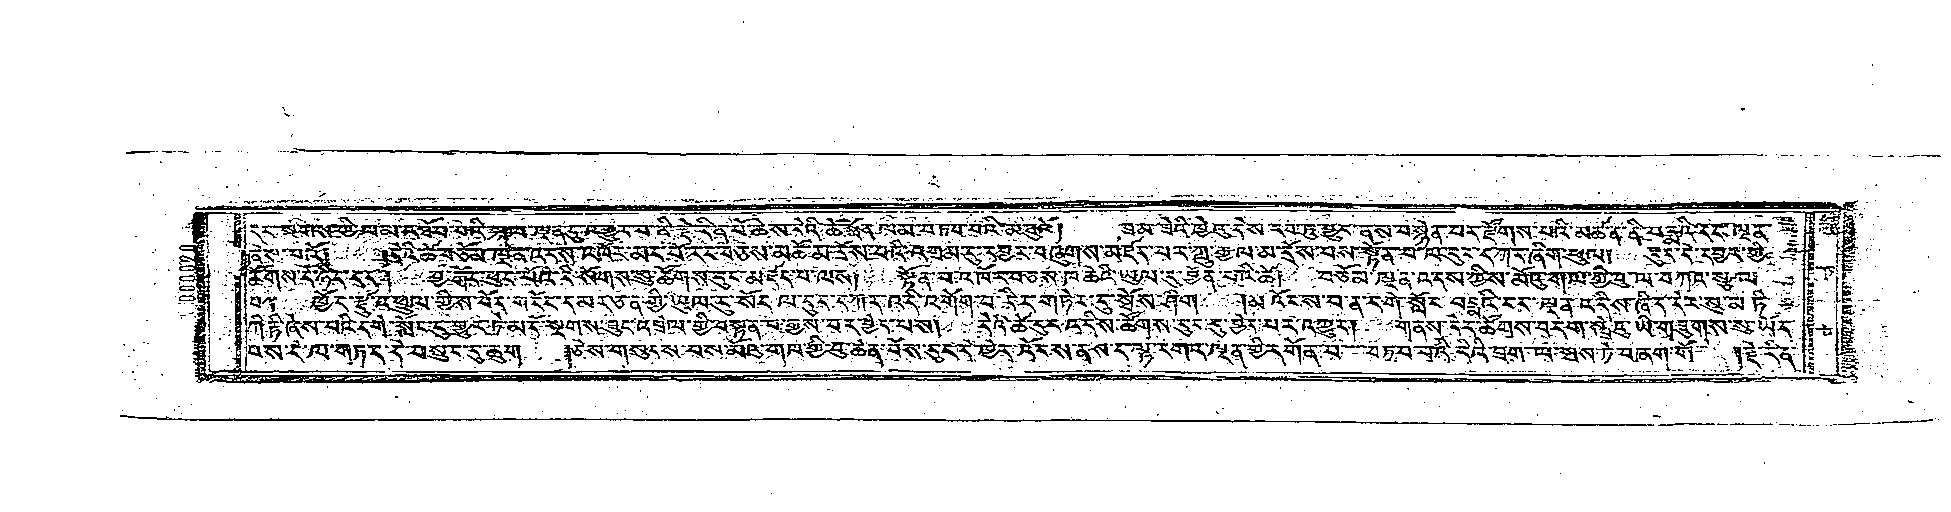དང་སྔགས་ཀྱི་ལམ་འཐོབ་བའི་སྐལ་ལྡན་དུ་འགྱུར་བ་ནི་རྗེ་རིན་པོ་ཆེས་དེའི་ཆོ་སྨོན་ལམ་བཏབ་པའི་མཐུའོ། བྲམ་ཟེའི་ཁྱེའུ་དེས་རབ་ཏུ་བྱུང་ནས་བསྙེན་པར་རྫོགས་པའི་མཚན་ནི་པདམའི་དང་ལྡན་
ཞེས་པའོ། །དེའི་ཚེ་བཅོམ་ལྡན་འདས་འཁོར་མང་པོ་དང་བཅས་མཚོ་མ་དྲོས་པའི་འགྲམ་དུ་དབྱར་བཞུགས་མཛད་པར་ཀླུ་རྒྱལ་མ་དྲོས་པས་སྟོན་པ་ལ་དུང་དཀར་ཞིག་ཕུལ། དུད་དེ་དབྱར་གྱི་
ཚོགས་དེ་ཉིད་དང་། བྱ་རྒོད་ཕུང་པོའི་རི་སོགས་སུ་ཚོགས་དུང་མཛད་པ་ལས། སྟོན་པ་འཁོར་བཅས་ཁ་ཆེའི་ཡུལ་དུ་བྱོན་པའི་ཚེ། བཅོམ་ལྡན་འདས་ཀྱིས་མོའུ་གལ་གྱི་བུ་ལ་བཀའ་སྩལ་
པ༑ ཁྱོད་རྫུ་འཕྲུལ་གྱིས་བོད་གདོང་དམར་ཅན་གྱི་ཡུལ་དུ་སོད་ལ་དུང་དཀར་འདི་འགོག་པ་རིང་གཏེར་དུ་སྦོས་ཤིག །མ་འོངས་པ་ན་དགེ་སློང་པདམའི་དང་ལྡན་འདིས་ཞིད་དེར་སུ་མ་ཏི་
ཀིརྟི་ཞེས་པའི་དགེ་སློང་དུ་གྱུར་ཏེ་མདོ་སྔགས་ཟུང་འབྲེལ་གྱི་བསྟན་པ་རྒྱས་པར་བྱེད་པས། དེའི་ཚེ་དུང་འདིས་ཚོགས་དུང་དུ་བྱེད་པར་འགྱུར། གནས་དེར་ཚོགས་བདག་སྤྲེའུ་ཡི་གཟུགས་སུ་ཡོད་
པས་དེ་ལ་གཏང་དེ་བསྲུང་དུ་ཆུག །ཅེས་གསུངས་པས་མོའུ་གལ་གྱི་བུ་ཆེན་པོས་དུང་དེ་ཁྱོད་འོངས་ནས་ད་ལྟ་དགའ་ལྡན་གྱི་དགོན་པ་བཏབ་པའི་རིའི་བྲག་ལ་སྦས་ཏེ་བཞག་གོ །རྗེ་རིན་